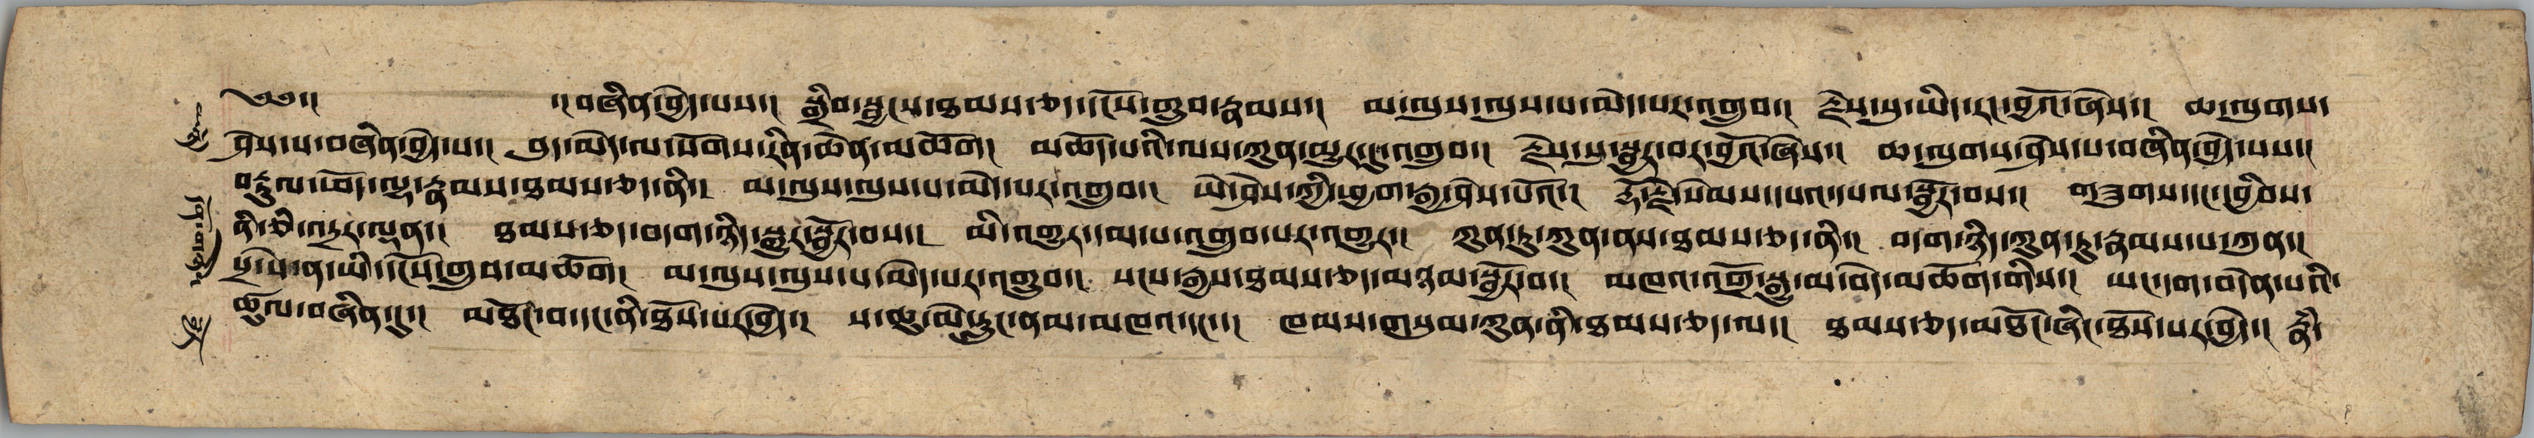༄༅་། ་།བཞིན་བྱེད་པས་། སྒྲིབ་སྦྱངས་ཐམས་ཅད་དངོས་གྲུབ་རྣམས་། མ་ལུས་ལུས་པ་མེད་པར་འགྲུབ་། རྗེས་སུ་ཡིད་རང་བྱའོ་ཞེས་། ཆ་ལུགས་
ཤེས་པ་བཞིན་བྱེད་པ་། བུད་མེད་ལ་སོགས་རིན་ཆེན་མཆོག། མཆོད་པའི་ལས་ཀུན་མྱུར་དུ་འགྲུབ་། རྗེས་སུ་སྦྱར་བར་བྱའོ་ཞེས་། ཆ་ལུགས་ཤེས་པ་བཞིན་བྱེད་པས་།
བརྟུལ་ཕོད་ལྷ་རྣམས་ཐམས་ཅད་ནི་། མ་ལུས་ལུས་པ་མེད་པར་འགྲུབ་། ཡེ་ཤེས་ཀྱི་ཕྱག་རྒྱ་ཤེས་པའོ་། རྡོ་རྗེ་སེམས་དཔའ་དཔལ་སྦྱོར་བས་། གཟུགས་དང་དབྱིབས་
ནི་ཅི་འདྲར་ལྡན་། ཐམས་ཅད་བདག་ཉིད་སྒྱུར་སྦྱོར་བས་། མི་འགྱུར་དམ་པ་འགྲུབ་པར་འགྱུར་། ཀུན་ཏུ་ཀུན་ནས་ཐམས་ཅད་ནི་། བདག་ཉིད་ཀུན་ཏུ་རྣམས་པ་ཀུན་།
པྲ་སེ་ན་ཡི་དངོས་གྲུབ་མཆོག། མ་ལུས་ལུས་པ་མེད་པར་འགྲུབ་། སངས་རྒྱས་ཐམས་ཅད་མཉམ་སྦྱོར་བ་། མཁའ་གྲོ་སྒྱུ་མ་བདེ་མཆོག་གིས་། ཡང་དག་བདེན་པའི་
ཚུལ་བཞིན་དུ་། མཐོང་བ་དང་ནི་ཐོས་པར་བྱེད་། ས་ཆུ་མེ་རླུང་ནམ་མཁའ་དང་་། ཁམས་གསུམ་ཀུན་ནི་ཐམས་ཅད་ལ་། ཐམས་ཅད་མཐོང་ཞིང་ཐོས་པར་བྱེད་། རྣཾ་